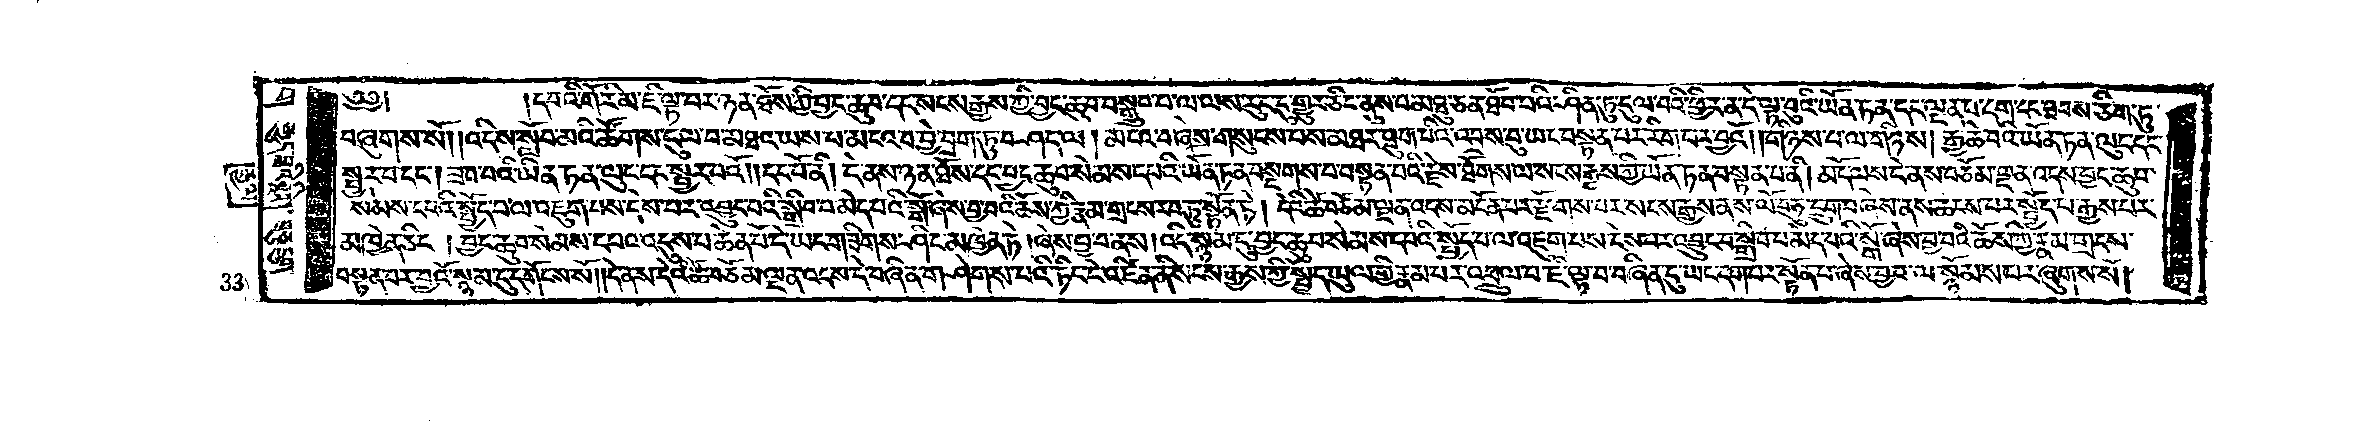༄༅། །དཔའི་གོ་རིམ་ཇི་ལྟ་བར་ཉན་ཐོས་ཀྱི་བྱང་ཆུབ་དང་སངས་རྒྱས་ཀྱི་བྱང་ཆུབ་བསྒྲུབ་པ་ལ་ལས་རུང་དུ་གྱུར་ཅིང་ནུས་པ་མཐུ་ཅན་ཐོབ་པའི་ཤིན་ཏུ་དུལ་བའི་ཕྱིར་ན་དེ་ལྟ་བུའི་ཡོན་ཏན་དང་ལྡན་པ་དག་དང་ཐབས་ཅིག་ཏུ་
བཞུགས་སོ། །འདིས་སློབ་མའི་ཚོགས་དུལ་བ་མཐའ་ཡས་པ་མངའ་བ་བྱེ་བྲག་ཏུ་བཤད་ལ། མངའ་བ་ཞེས་གསུངས་པས་མཐར་ཐུག་པའི་འབྲས་བུ་ཡང་བསྟན་པར་རིག་པར་བྱའོ། །གཉིས་པ་ལ་གཉིས། རྒྱ་ཆེ་བའི་ཡོན་ཏན་ལུང་དང་
སྦྱར་བ་དང་། ཟབ་པའི་ཡིན་ཏན་ལུང་དང་སྦྱར་བའོ། །དང་པོ་ནི། དེ་ནས་ཉན་ཐོས་དང་བྱང་ཆུབ་སེམས་དཔའི་ཡོན་ཏན་བསྔགས་པ་བསྟན་པའི་རྗེས་ཐོགས་ལ་སངས་རྒྱས་ཀྱི་ཡོན་ཏན་བསྟན་པ་ནི། མདོ་ལས་དེ་ནས་བཅོམ་ལྡན་འདས་བྱང་ཆུབ་
སེམས་དཔའི་སྤྱོད་པ་ལ་འཇུག་པས་ངེས་པར་འབྱུང་བའི་སྒྲིབ་པ་མེད་པའི་སྒོ་ཞེས་བྱ་བའི་ཆོས་ཀྱི་རྣམ་གྲངས་རབ་ཏུ་སྟོན་ཏེ། དེའི་ཚེ་བཅོམ་ལྡན་འདས་མངོན་པར་རྫོགས་པར་སངས་རྒྱས་ནས་ལོ་བཅུ་དྲུག་བཞེས་ནས་ཚངས་པར་སྤྱོད་པ་རྒྱས་པར་
མཁྱེན་ཅིང་། བྱང་ཆུབ་སེམས་དཔའ་འདུས་པ་ཆེན་པོ་དེ་ཡང་གཟིགས་ཤིང་མཁྱེན་ཏེ། ཞེས་བྱ་བ་ནས། འདི་སྙམ་དུ་བྱང་ཆུབ་སེམས་དཔའི་སྤྱོད་པ་ལ་འཇུག་པས་ངེས་པར་འབྱུང་བ་སྒྲིབ་པ་མེད་པའི་སྒོ་ཞེས་བྱ་བའི་ཆོས་ཀྱི་རྣམ་གྲངས་
བསྟན་པར་བྱའོ་སྙམ་དུ་དགོངས་སོ། །དེ་ནས་དེའི་ཚེ་བཅོམ་ལྡན་འདས་དེ་བཞིན་གཤེགས་པའི་ཏིང་ངེ་འཛིན་ནི་སངས་རྒྱས་ཀྱི་སྤྱོད་ཡུལ་གྱི་རྣམ་པར་འཕྲུལ་བ་ཇི་ལྟ་བ་བཞིན་དུ་ཡང་དག་པར་སྟོན་པ་ཞེས་བྱ་བ་ལ་སྙོམས་པར་ཞུགས་སོ། །